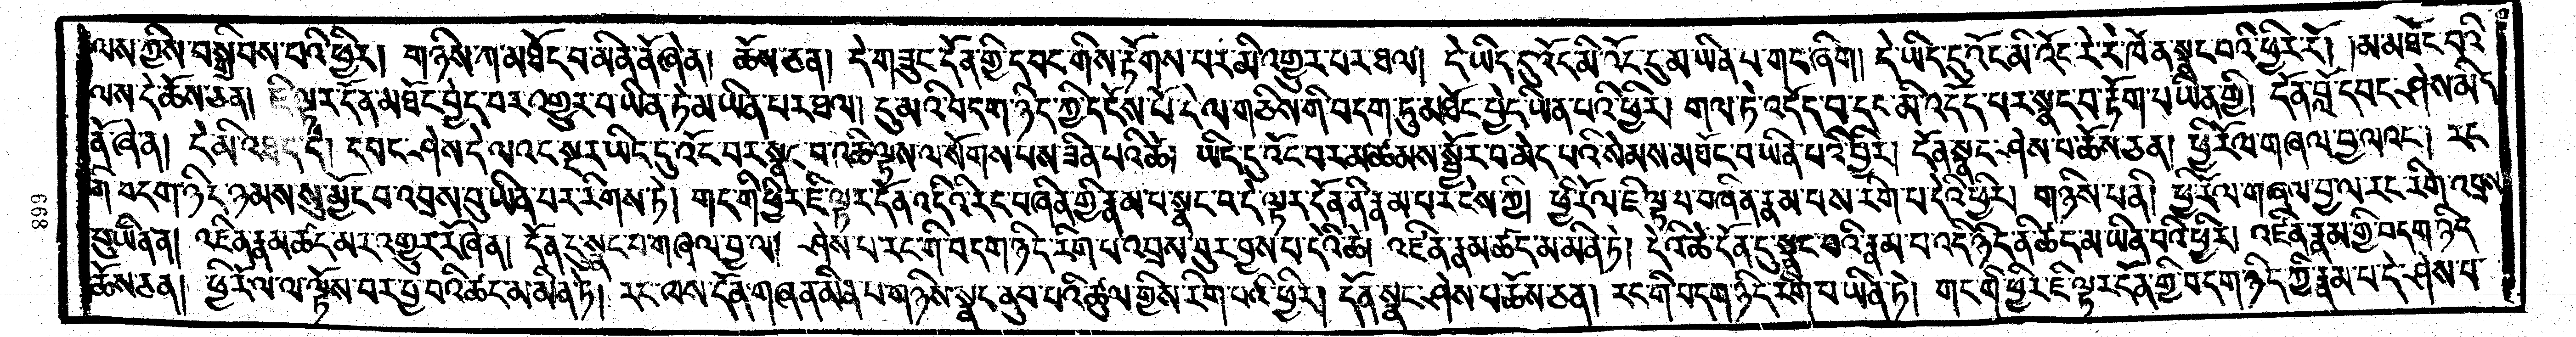ལས་ཀྱིས་བསྒྲིབས་པའི་ཕྱིར། གཉིས་ཀ་མཐོང་བ་མིན་ནོ་ཞེ་ན། ཆོས་ཅན། དེ་གཟུང་དོན་གྱི་དབང་གིས་རྟོགས་པར་མི་འགྱུར་བར་ཐལ། དེ་ཡིད་དུ་འོང་མི་འོང་དུ་མ་ཡིན་པ་གང་ཞིག། དེ་ཡིད་དུ་འོང་མི་འོང་རེ་རེ་ཁོ་ན་སྣང་བའི་ཕྱིར་རོ། །མ་མཐོང་བའི་
ལས་དེ་ཆོས་ཅན། ཇི་ལྟར་དོན་མཐོང་བྱེད་པར་འགྱུར་བ་ཡིན་ཏེ་མ་ཡིན་པར་ཐལ། དུ་མའི་བདག་ཉིད་ཀྱི་དངོས་པོ་དེ་ལ་གཅིག་གི་བདག་ཏུ་མཐོང་བྱེད་ཡིན་པའི་ཕྱིར། གལ་ཏེ་འདོད་པ་དང་མི་འདོད་པར་སྣང་བ་རྟོག་པ་ཡིན་གྱི། དོན་བློ་དབང་ཤེས་མིད་
ནོ་ཞེ་ན། དེ་མི་འཐད་དེ། དབང་ཤེས་ལའང་སྔར་ཡིད་དུ་འོང་བར་སྣང་བ་འཆི་ལྟས་ལ་སོགས་པས་ཟིན་པའི་ཚེ། ཡིད་དུ་འོང་བར་མཚམས་སྦྱོར་བ་མེད་པའི་སེམས་མཐོང་བ་ཡིན་པའི་ཕྱིར། དོན་སྣང་ཤེས་པ་ཆོས་ཅན། ཕྱི་རོལ་གཞལ་བྱ་ལའང་། རང་
གི་བདག་ཉིད་ཉམས་སུ་མྱོང་བ་འབྲས་བུ་ཡིན་པར་རིགས་ཏེ། གང་གི་ཕྱིར་ཇི་ལྟར་དོན་འདིའི་རང་བཞིན་གྱི་རྣམ་པ་སྣང་བདེ་ལྟར་དོན་ནི་རྣམ་པར་ངེས་ཀྱི། ཕྱི་རོལ་ཇི་ལྟ་པ་བཞིན་རྣམ་པས་རིག་པ་དེའི་ཕྱིར། གཉིས་པ་ནི། ཕྱི་རོལ་གཞལ་བྱལ་རང་རིག་འབྲས་
བུ་ཡིན་ན། འཛིན་རྣམ་ཚང་མར་འགྱུར་རོ་ཞེ་ན། དོན་དུ་སྣང་བ་གཞལ་བྱ་ལ། ཤེས་པ་རང་གི་བདག་ཉིད་རིག་པ་འབྲས་བུར་བྱས་པ་དེའི་ཚེ། འཛིན་རྣམ་ཚད་མ་མིན་ཏེ། དེའི་ཚེ་དོན་དུ་སྣང་བའི་རྣམ་པ་འདི་ཉིད་ནི་ཚད་མ་ཡིན་པའི་ཕྱིར། འཛིན་རྣམ་གྱི་བདག་ཉིད་
ཆོས་ཅན། ཕྱི་རོལ་ལ་ལྟོས་པར་བྱ་བའི་ཚང་མ་མིན་ཏེ། རང་ལས་དོན་གཞན་མིན་པ་གཉིས་སྣང་ནུབ་པའི་ཚུལ་གྱིས་རིག་པའི་ཕྱིར། དོན་སྣང་ཤེས་པ་ཆོས་ཅན། རང་གི་བདག་ཉིད་རིག་པ་ཡིན་ཏེ། གང་གི་ཕྱིར་ཇི་ལྟར་དོན་གྱི་བདག་ཉིད་ཀྱི་རྣམ་པ་དེ་ཤེས་པ་